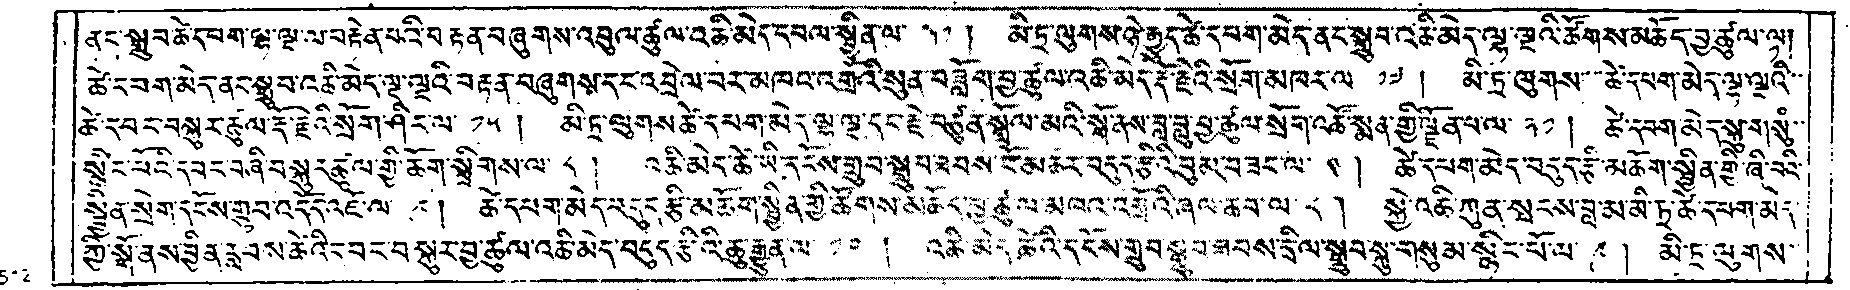ནང་སྒྲུབ་ཚེ་དཔག་ལྷ་ལྔ་ལ་བརྟེན་པའི་བརྟན་བཞུགས་འབུལ་ཚུལ་འཆི་མེད་དཔལ་སྦྱིན་ལ ༣༡། མི་ཏྲ་ལུགས་ཉེ་རྒྱུད་ཚེ་དཔག་མེད་ནང་སྒྲུབ་འཆི་མེད་ལྷ་ལྔའི་ཚོགས་མཆོད་བྱ་ཚུལ་ལ ༡།
ཚེ་དཔག་མེད་ནང་སྒྲུབ་འཆི་མེད་ལྔ་ལྔའི་བརྟན་བཞུགས་དང་འབྲེལ་བར་མཁའ་འགྲོའི་སུན་བཟློག་བྱ་ཚུལ་འཆི་མེད་རྡོ་རྗེའི་སྲོག་མཁར་ལ ༡༧། མི་ཏྲ་ལུགས་ཚེ་དཔག་མེད་ལྷ་ལྔའི་
ཚེ་དབང་བསྐུར་ཚུལ་རྡོ་རྗེའི་སྲོག་ཤིང་ལ ༡༥། མི་ཏྲ་ལུགས་ཚེ་དཔག་མེད་ལྷ་ལྔ་དང་རྗེ་བཙུན་སྒྲོལ་མའི་སྒོ་ནས་བླ་བླུ་བྱ་ཚུལ་སྲོག་འཚོ་སྨན་གྱི་ལྗོན་པ་ལ ༢༡། ཚེ་དཔག་མེད་སྐུ་གསུཾ་
སྙིང་པོའི་དབང་བཞི་བསྐུར་ཚུལ་གྱི་ཆོག་སྒྲིགས་ལ ༨། འཆི་མེད་ཚེ་ཡི་དངོས་གྲུབ་སྒྲུབ་ཐབས་ངོ་མཚར་བདུད་རྩིའི་བུམ་བཟང་ལ ༤། ཚེ་དཔག་མེད་བདུད་རྩི་མཆོག་སྦྱིན་གྱི་ཞི་བའི་
སྦྱིན་སྲེག་དངོས་གྲུབ་འདོད་འཇོ་ལ ༩། ཚེ་དཔག་མེད་བདུད་རྩི་མཆོག་སྦྱིན་གྱི་ཚོགས་མཆོད་བྱ་ཚུལ་མཁའ་འགྲོའི་ཞལ་ཆབ་ལ ༨། སྐྱེ་འཆི་ཀུན་སྤངས་བླ་མ་མི་ཏྲ་ཚེ་དཔག་མེད་
ཀྱི་སྒོ་ནས་བྱིན་རླབས་ཚེའི་དབང་བསྐུར་བྱ་ཚུལ་འཆི་མེད་བདུད་རྩིའི་ཆུ་རྒྱུན་ལ ༡༠། འཆི་མེད་ཚེའི་དངོས་གྲུབ་སྒྲུབ་ཐབས་དྲིལ་སྒྲུབ་སྐུ་གསུམ་སྙིང་པོ་ལ ༩། མི་ཏྲ་ལུགས་